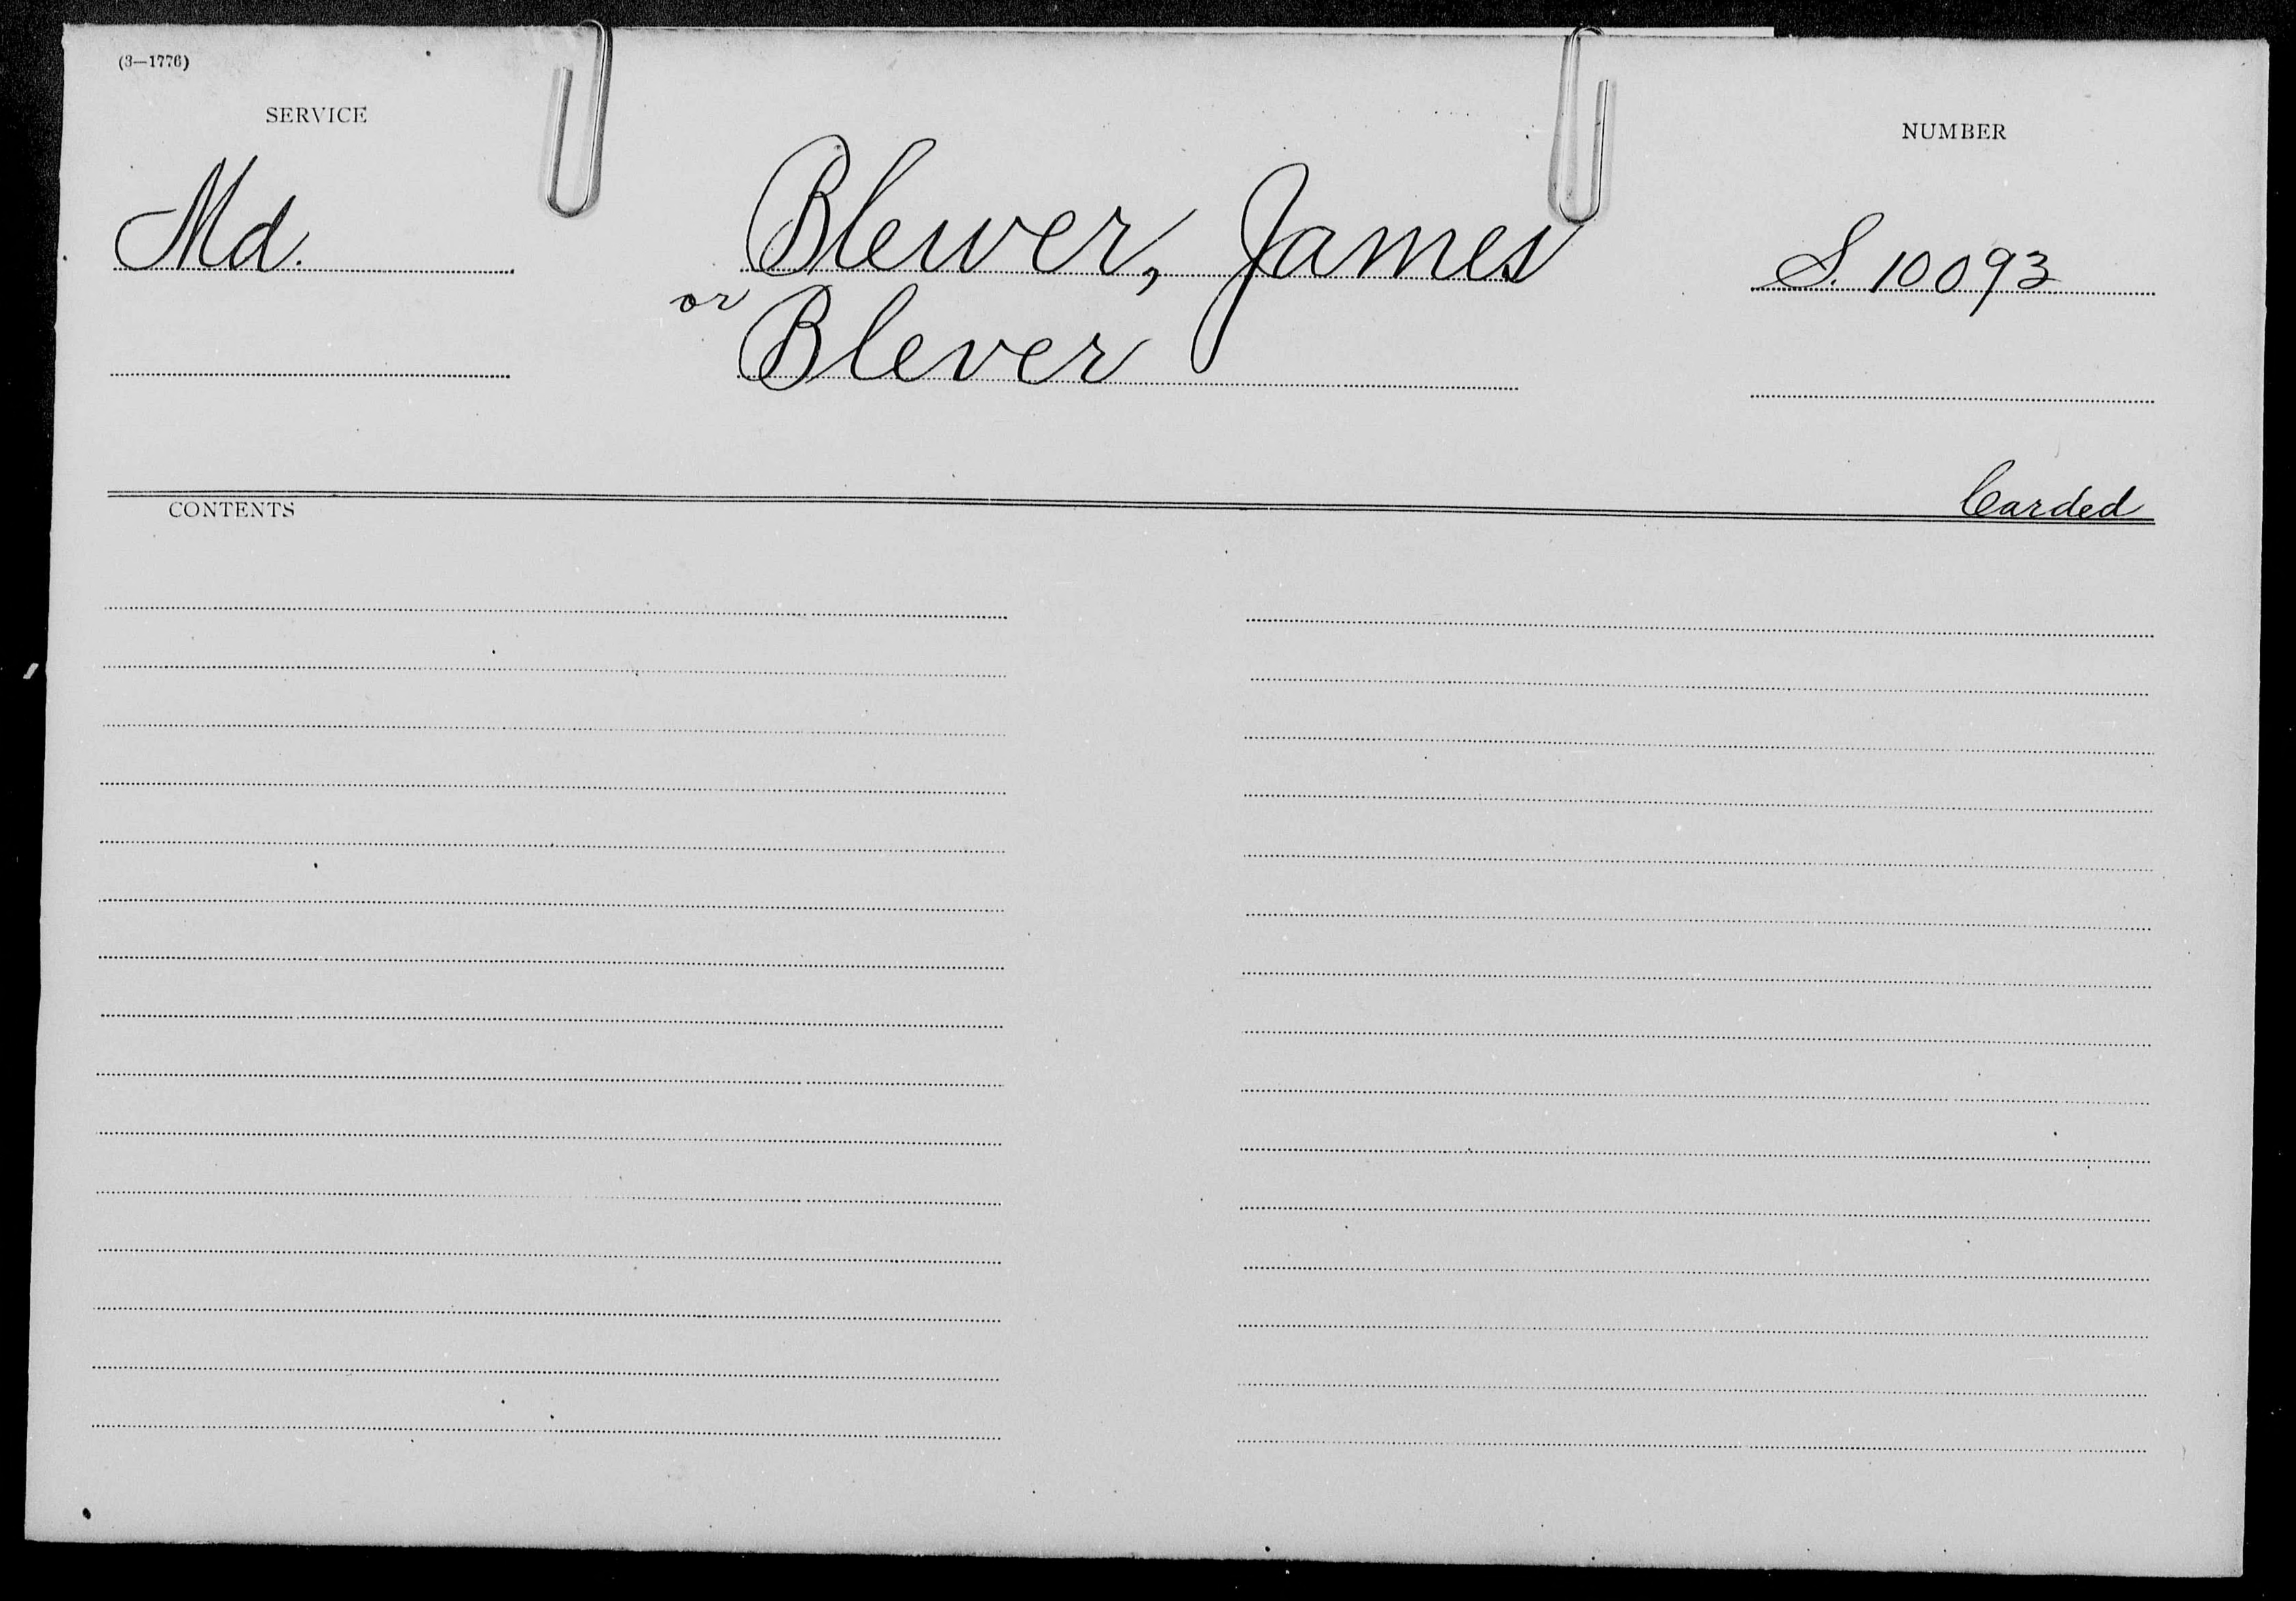Service
MD

Blewer, James
or Blever

Number
S.10093

carded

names: James Blever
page: 1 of 30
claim: survivor's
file: S. 10093, James Blewer, Md.